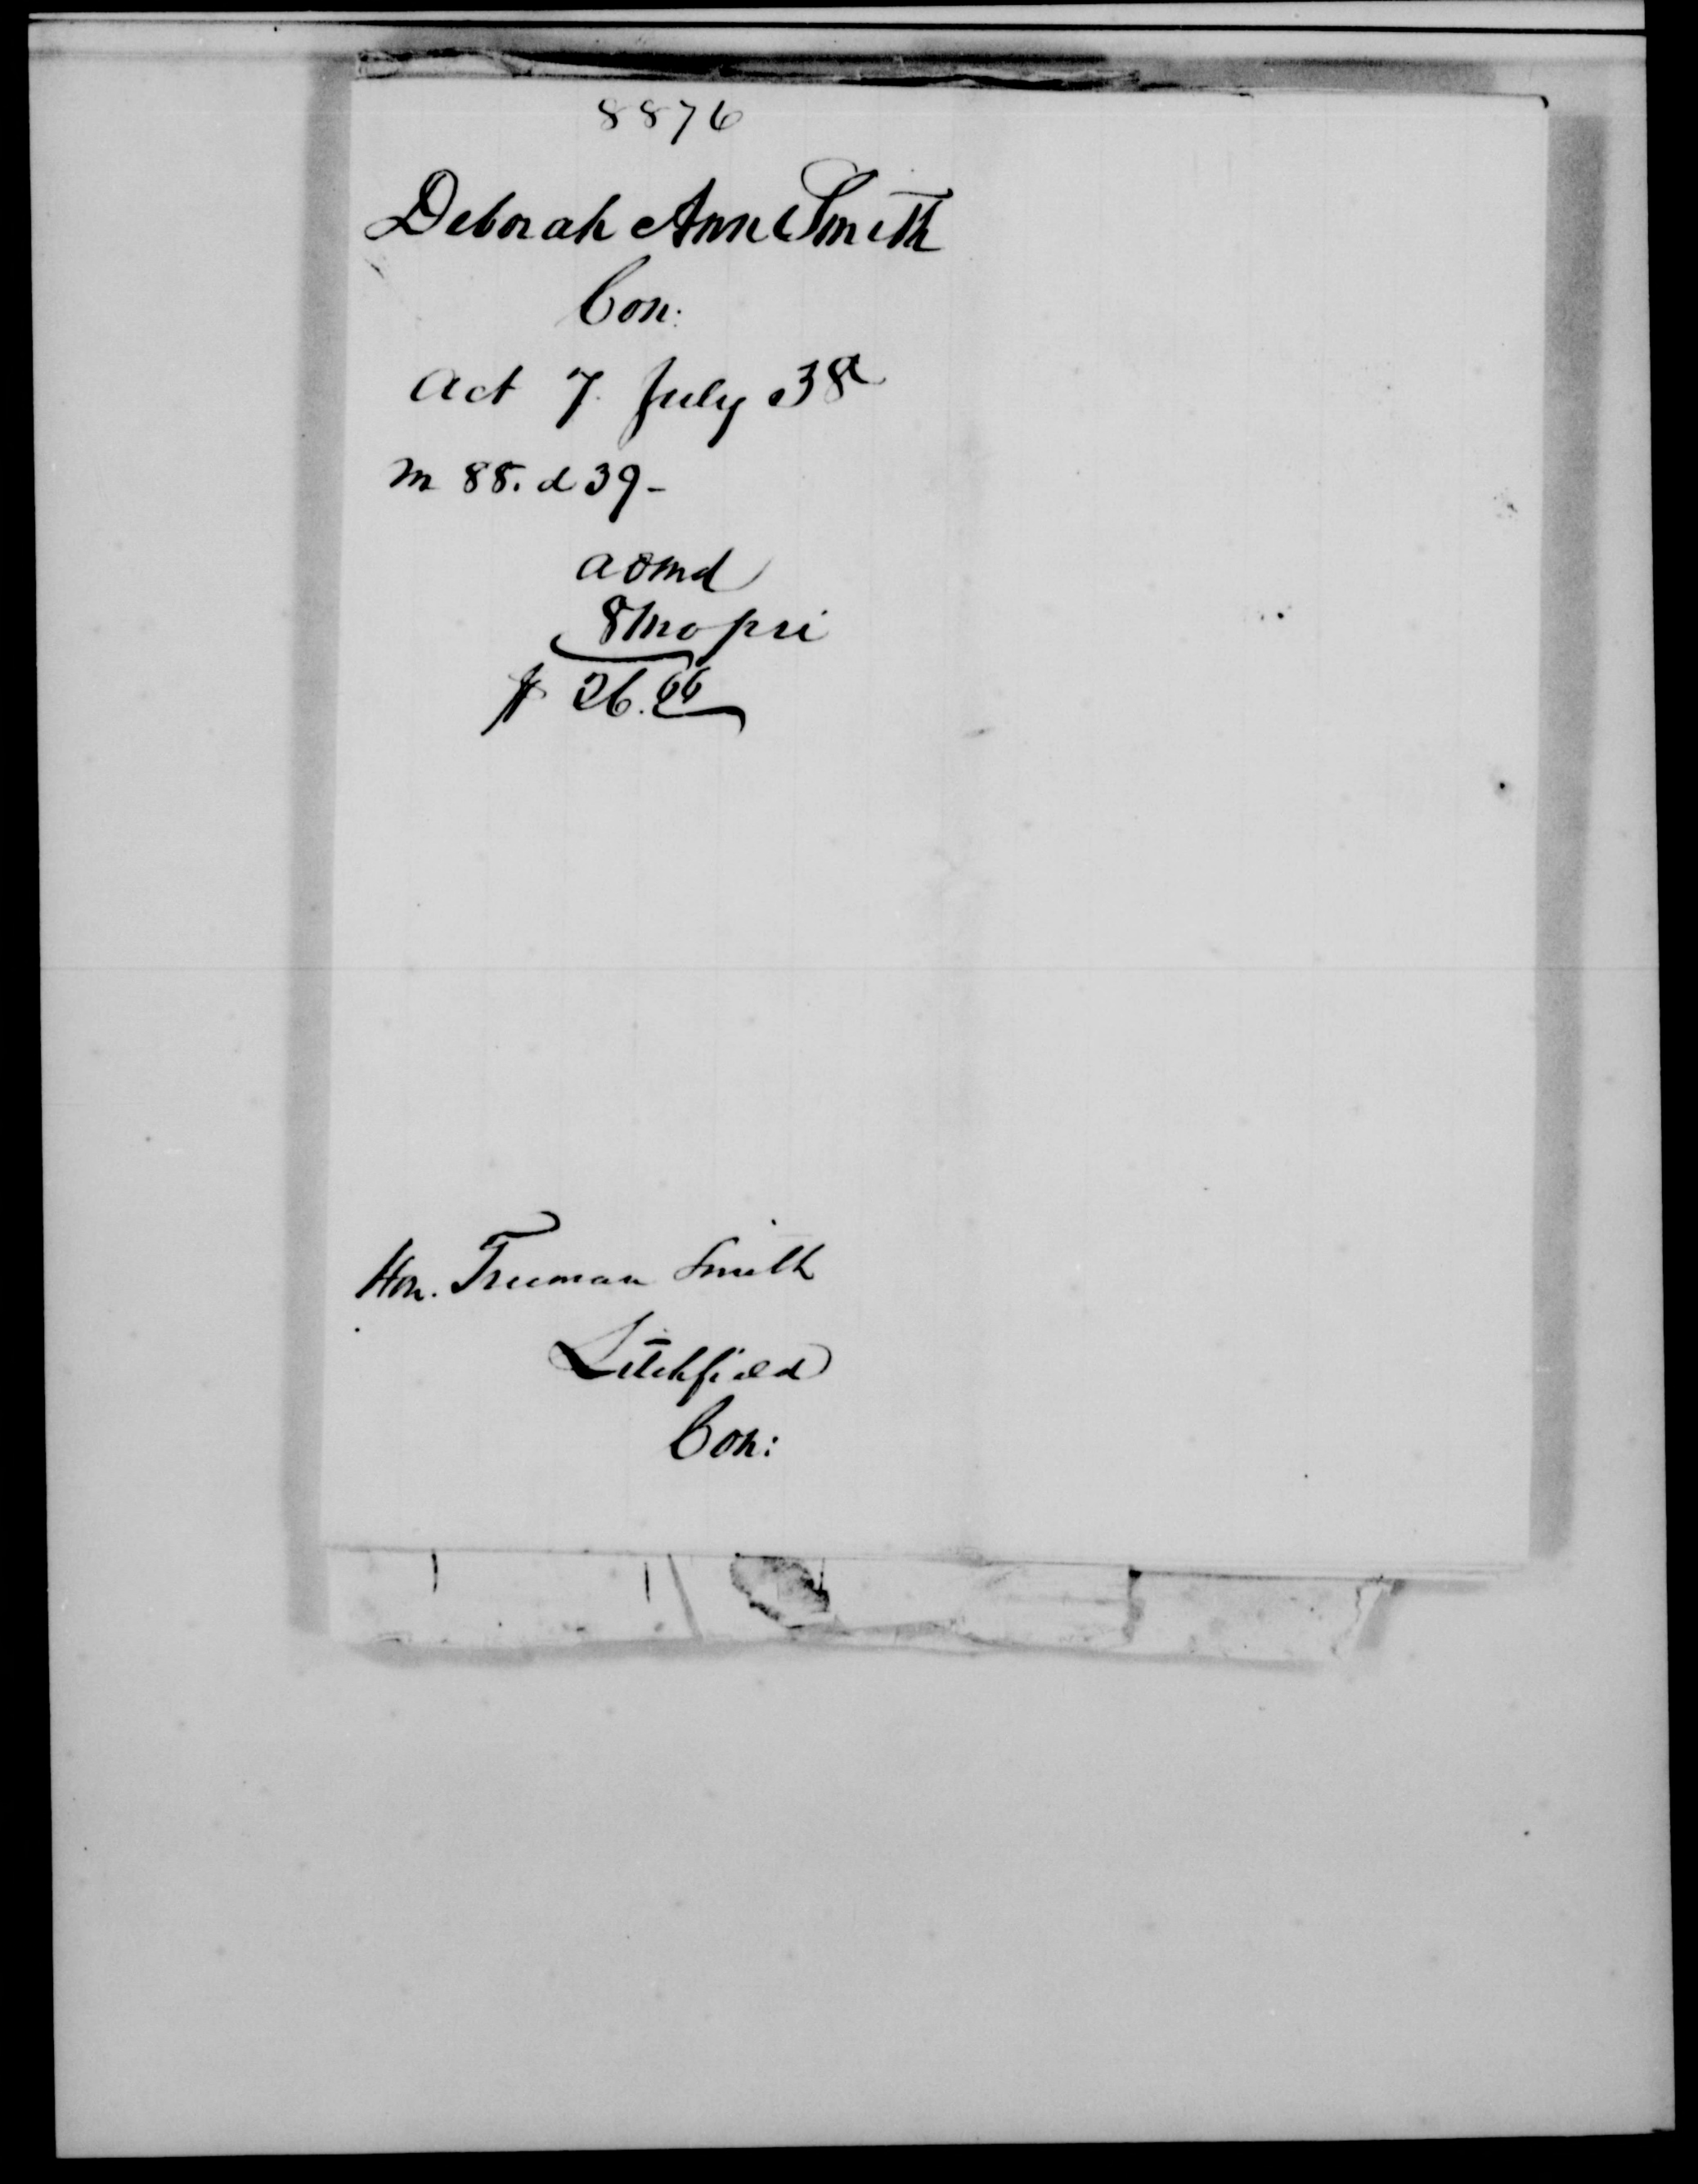8876 
Deborah Ann Smith 
Conn 
Act 7 July 38 
m. 88  d 39 
admd [admitted] 
8 mo pri
$26.66 
Hon. Truman Smith 
Litchfield Conn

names: Truman Smith; Deborah Ann Smith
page: 8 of 55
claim: widow's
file: W. 11480, for Phinehas Smith, Connecticut